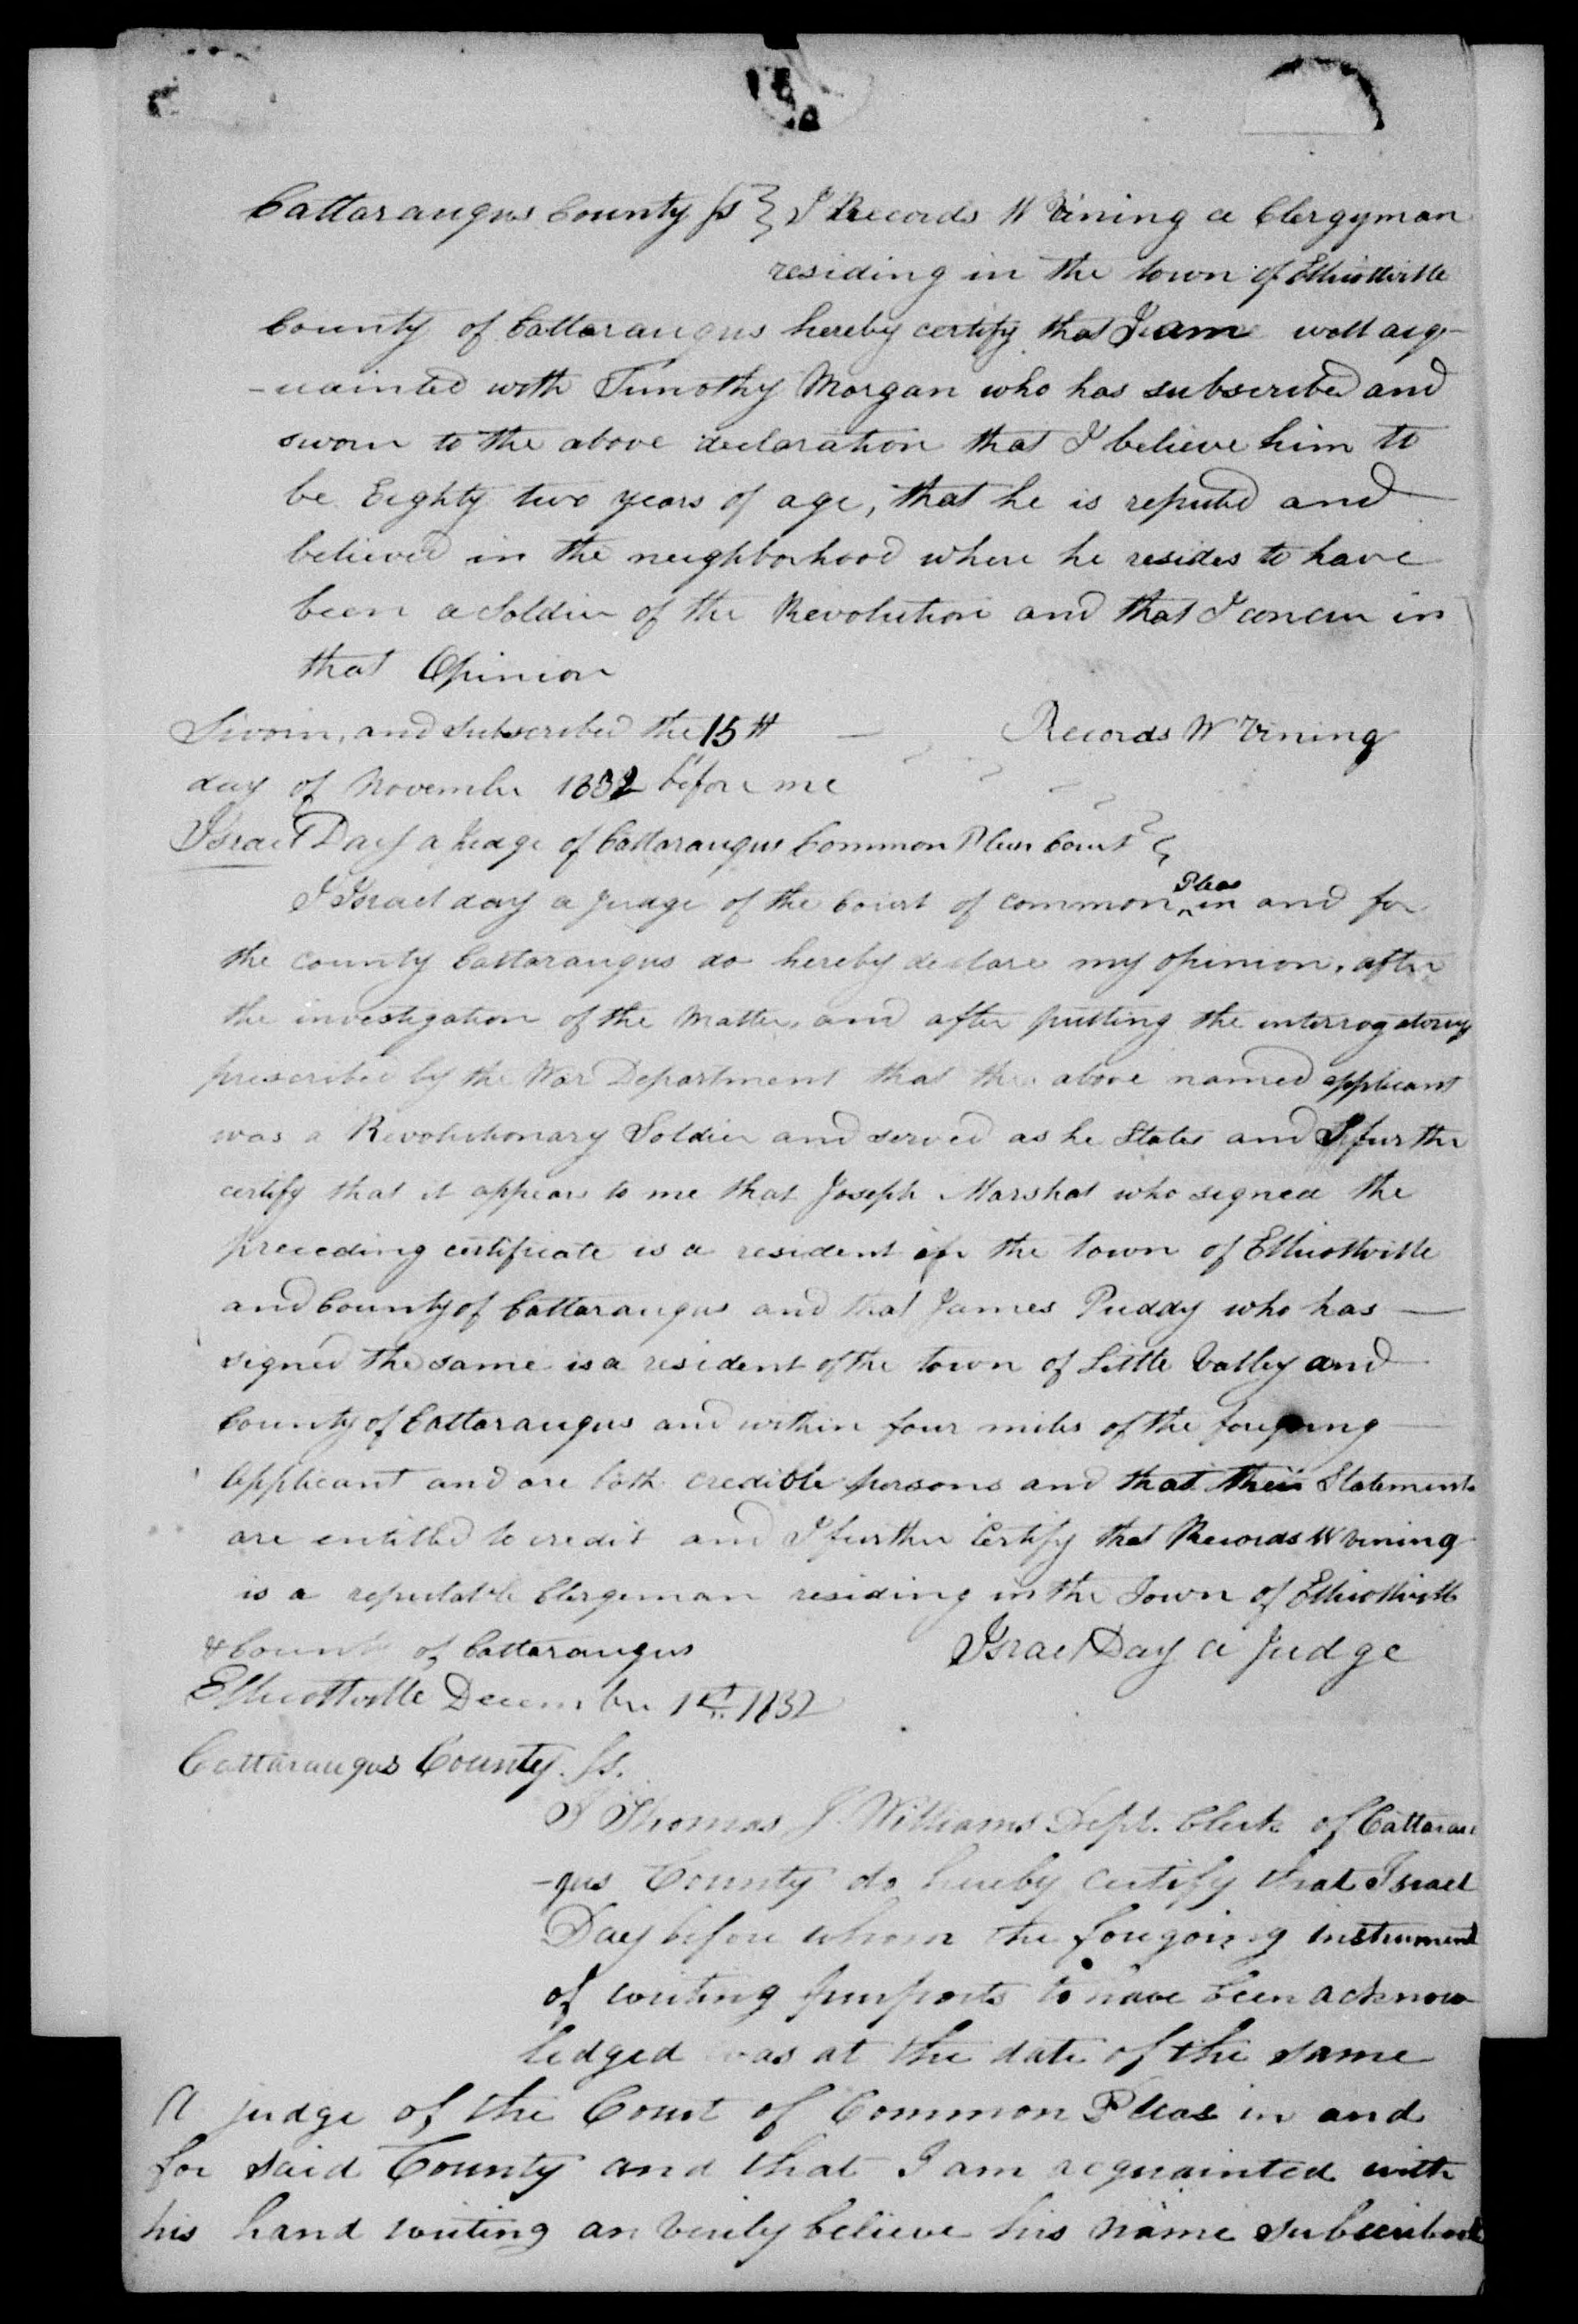Cattaraugus County ss } I Records Vining a Clergyman
residing in the town of Ellicottville
the County of Cattaraugus hereby certify that I am well acquainted
with Timothy Morgan who has subscribed and
sworn to the above declaration that I believe him to
be Eighty two years of age, that he is reputed and
believed in the neighborhood where he resides to have
been a Soldier of the Revolution and that I concur in
that Opinion
Records W Vining
Sworn and subscribed the 15th }
of November 1832 before me }
Israel Day a Judge of Cattaraugus Common Pleas Court }
I Israel Day a Judge of the Court of common pleas in and for
the County Cattaraugus do hereby declare my opinion, after
the investigation of the matter, and after putting the interrogatory
described by the War Department that the above named applicant
as a Revolutionary Soldier and served as he states and further
certify that it appears to me that Joseph Marshal who signed the
preceding certificate is a resident in the town of Ellicottville
and County of Cattaraugus and that James Puddy who has 
signed the same is a resident of the town of Little Valley and
County of Cattaraugus and within four miles of the foregoing
Applicant and are both credible persons and that their statements
are entitled to credit and I further certify that Records W Vining
is a reputable clergyman residing in the Town of Ellicottville
County of Cattaraugus
Israel Day a Judge
County of Cattaraugus
Ellicottville December 1st 1832
Cattaraugus County Ss.
I Thomas J. Williams Dept. Clerk of Cattaraugus
 County do hereby certify that Israel
Day before whom the foregoing instrument
of writing purports to have been acknowledged
was at the date of the same
A Judge of the Court of Common Pleas in and
said County and that I am acquainted with
his hand writing and verily believe his name subscribed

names: Thomas J Williams; Joseph Marshal; James Puddy; Timothy Morgan; Record W Vining; Israel Day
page: 18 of 19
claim: rejected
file: R 7390, for Timothy Morgan, Connecticut